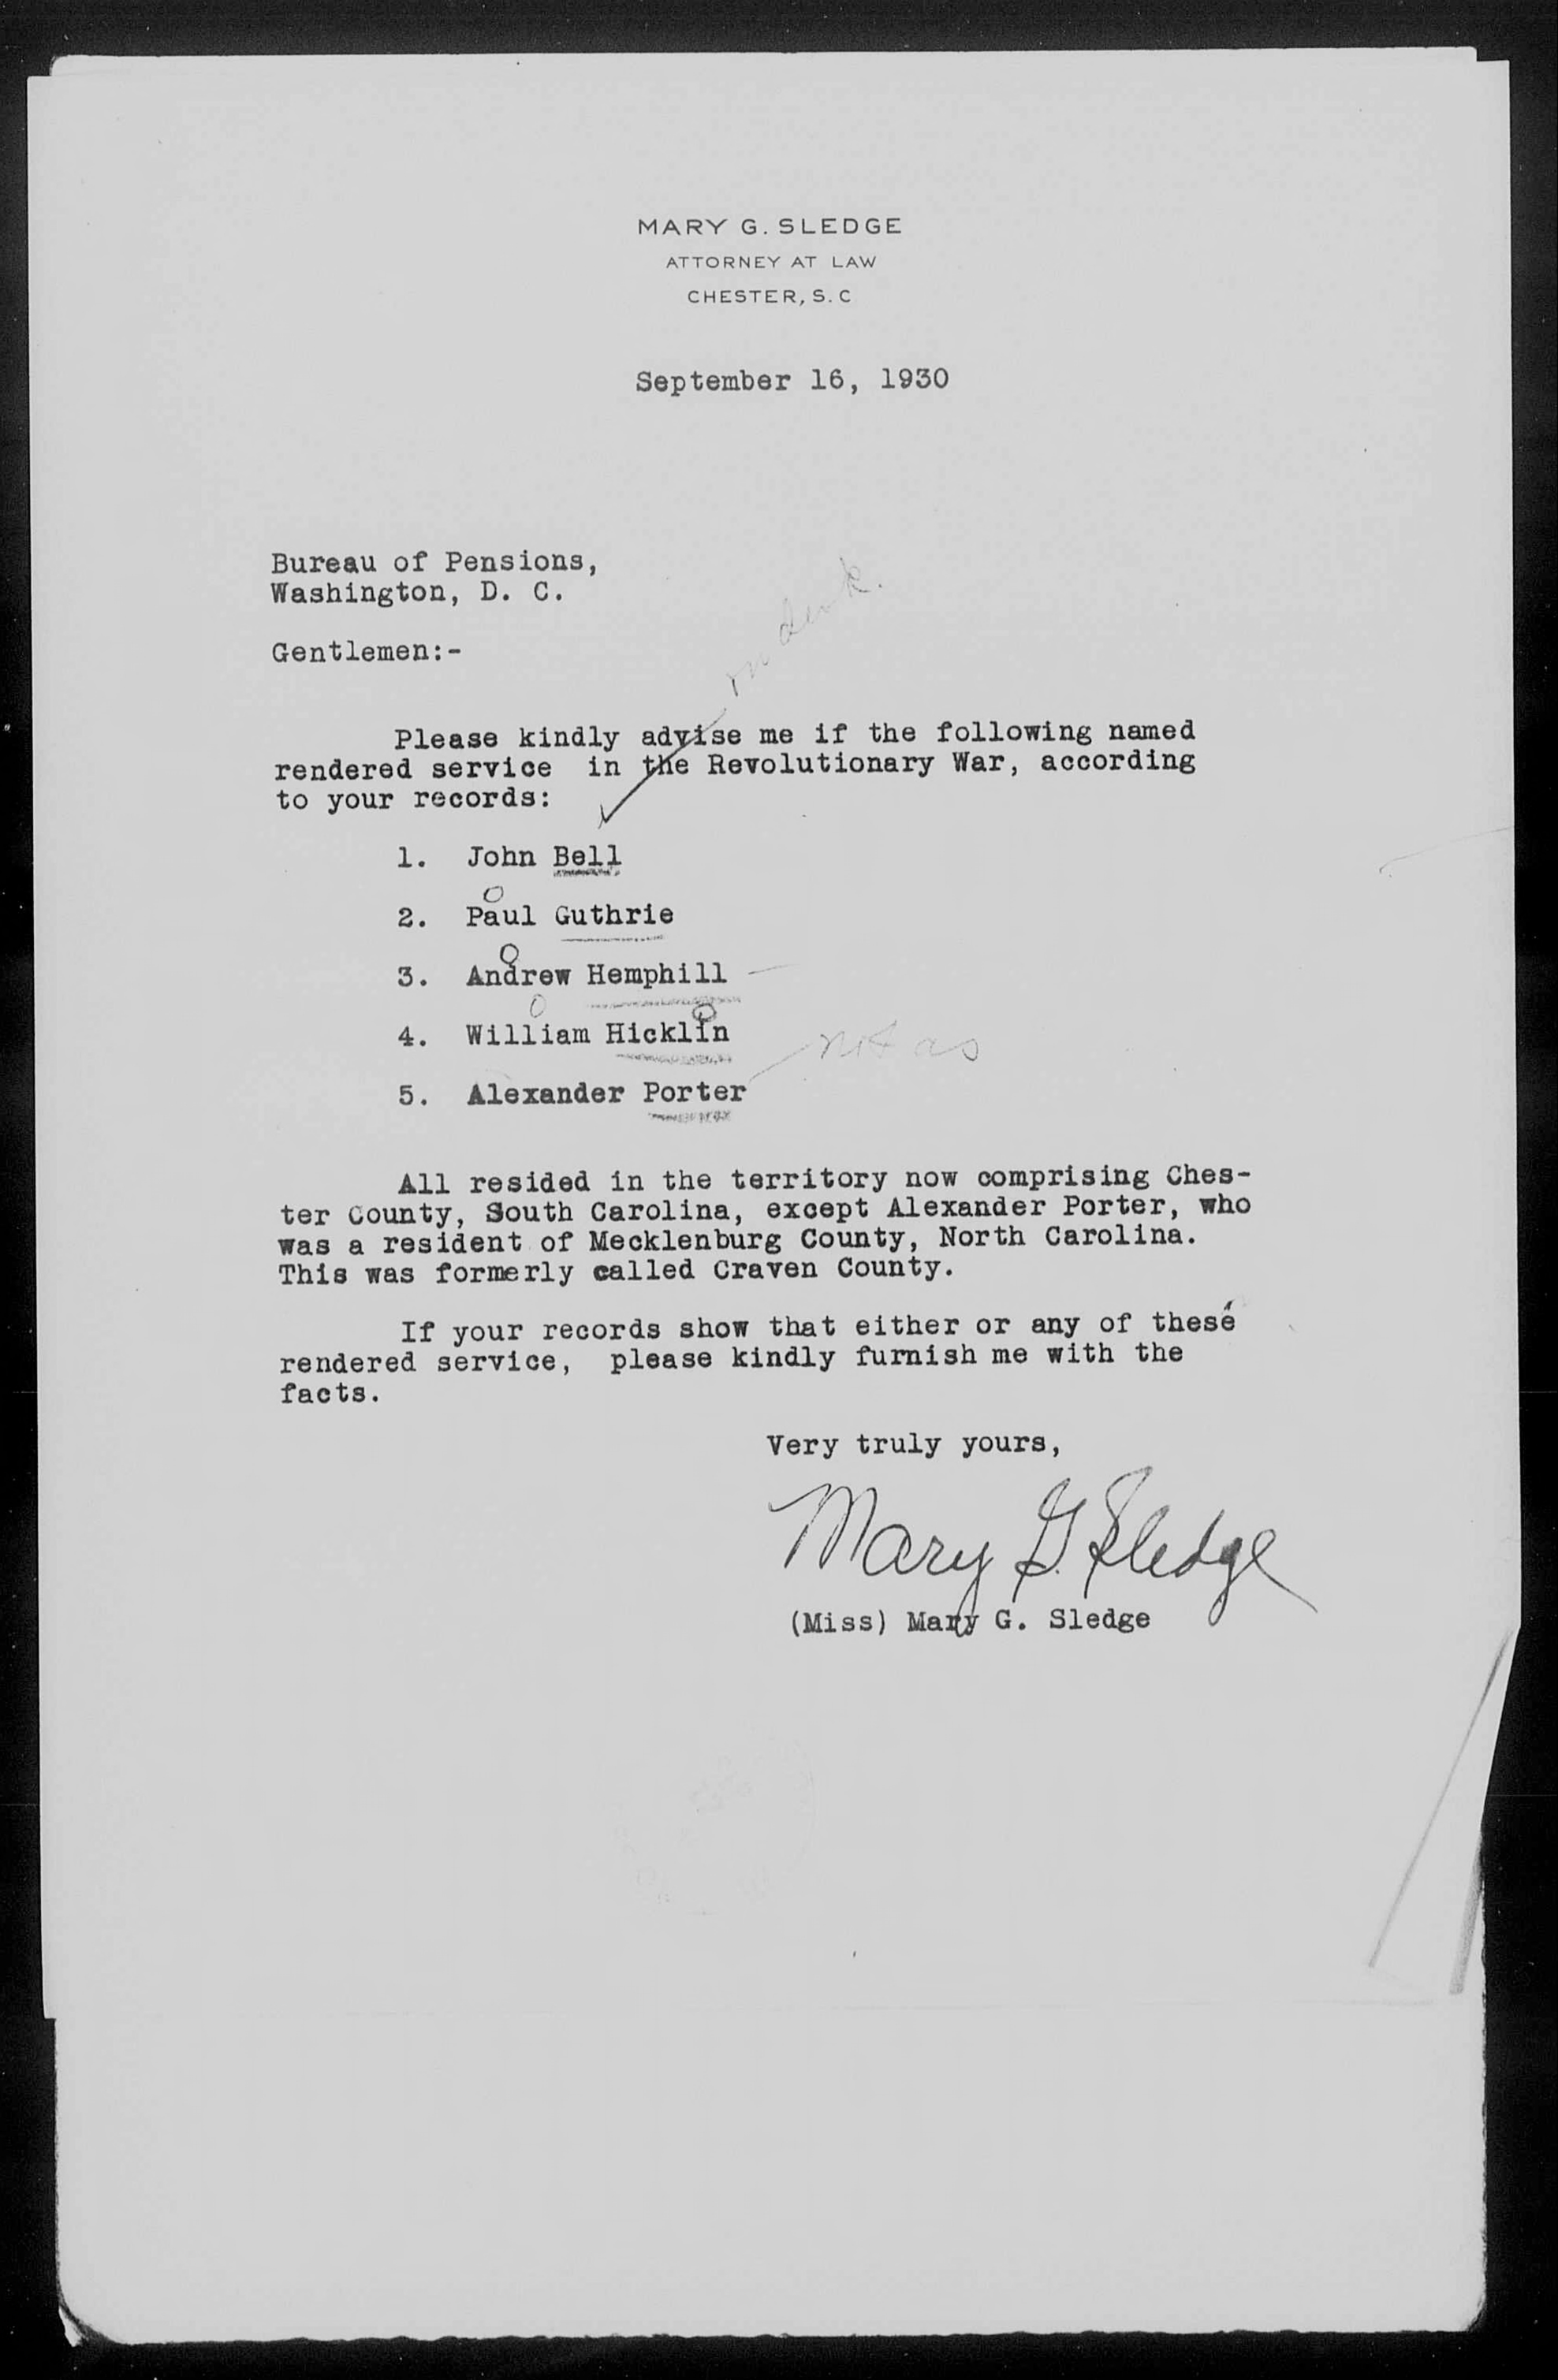MARY G. SLEDGE
ATTORNEY AT LAW
CHESTER, S. C.
September 16, 1930
Bureau of Pensions,
Washington, D. C.
Gentlemen:-
Please kindly advise me if the following named
rendered service in the Revolutionary War, according to your records:
1. John Bell [checkmark] [Illegible comment]
2. Paul Guthrie [0]
3. Andrew Hemphill [0]
4. William Hicklin [0]
5. Alexander Porter [not as]
All resided in the territory now comprising Chester County, South Carolina except Alexander Porter, who was a resident of Mecklenburg County, North Carolina. This was formerly called Craven County.
If your records show that either or any of these
rendered service, please kindly furnish me with the facts.
Very truly yours,
Mary G. Sledge
(Miss) Mary G. Sledge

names: Andrew Hemphill, Alexander Porter, Mary G Sledge, William Hicklin, John Bell, Mary G Sledge, Mary G Sledge, Alexander Porter, Paul Guthrie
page: 14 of 23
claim: survivor's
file: S. 21068, John Bell, Ga. N. C. S. C.